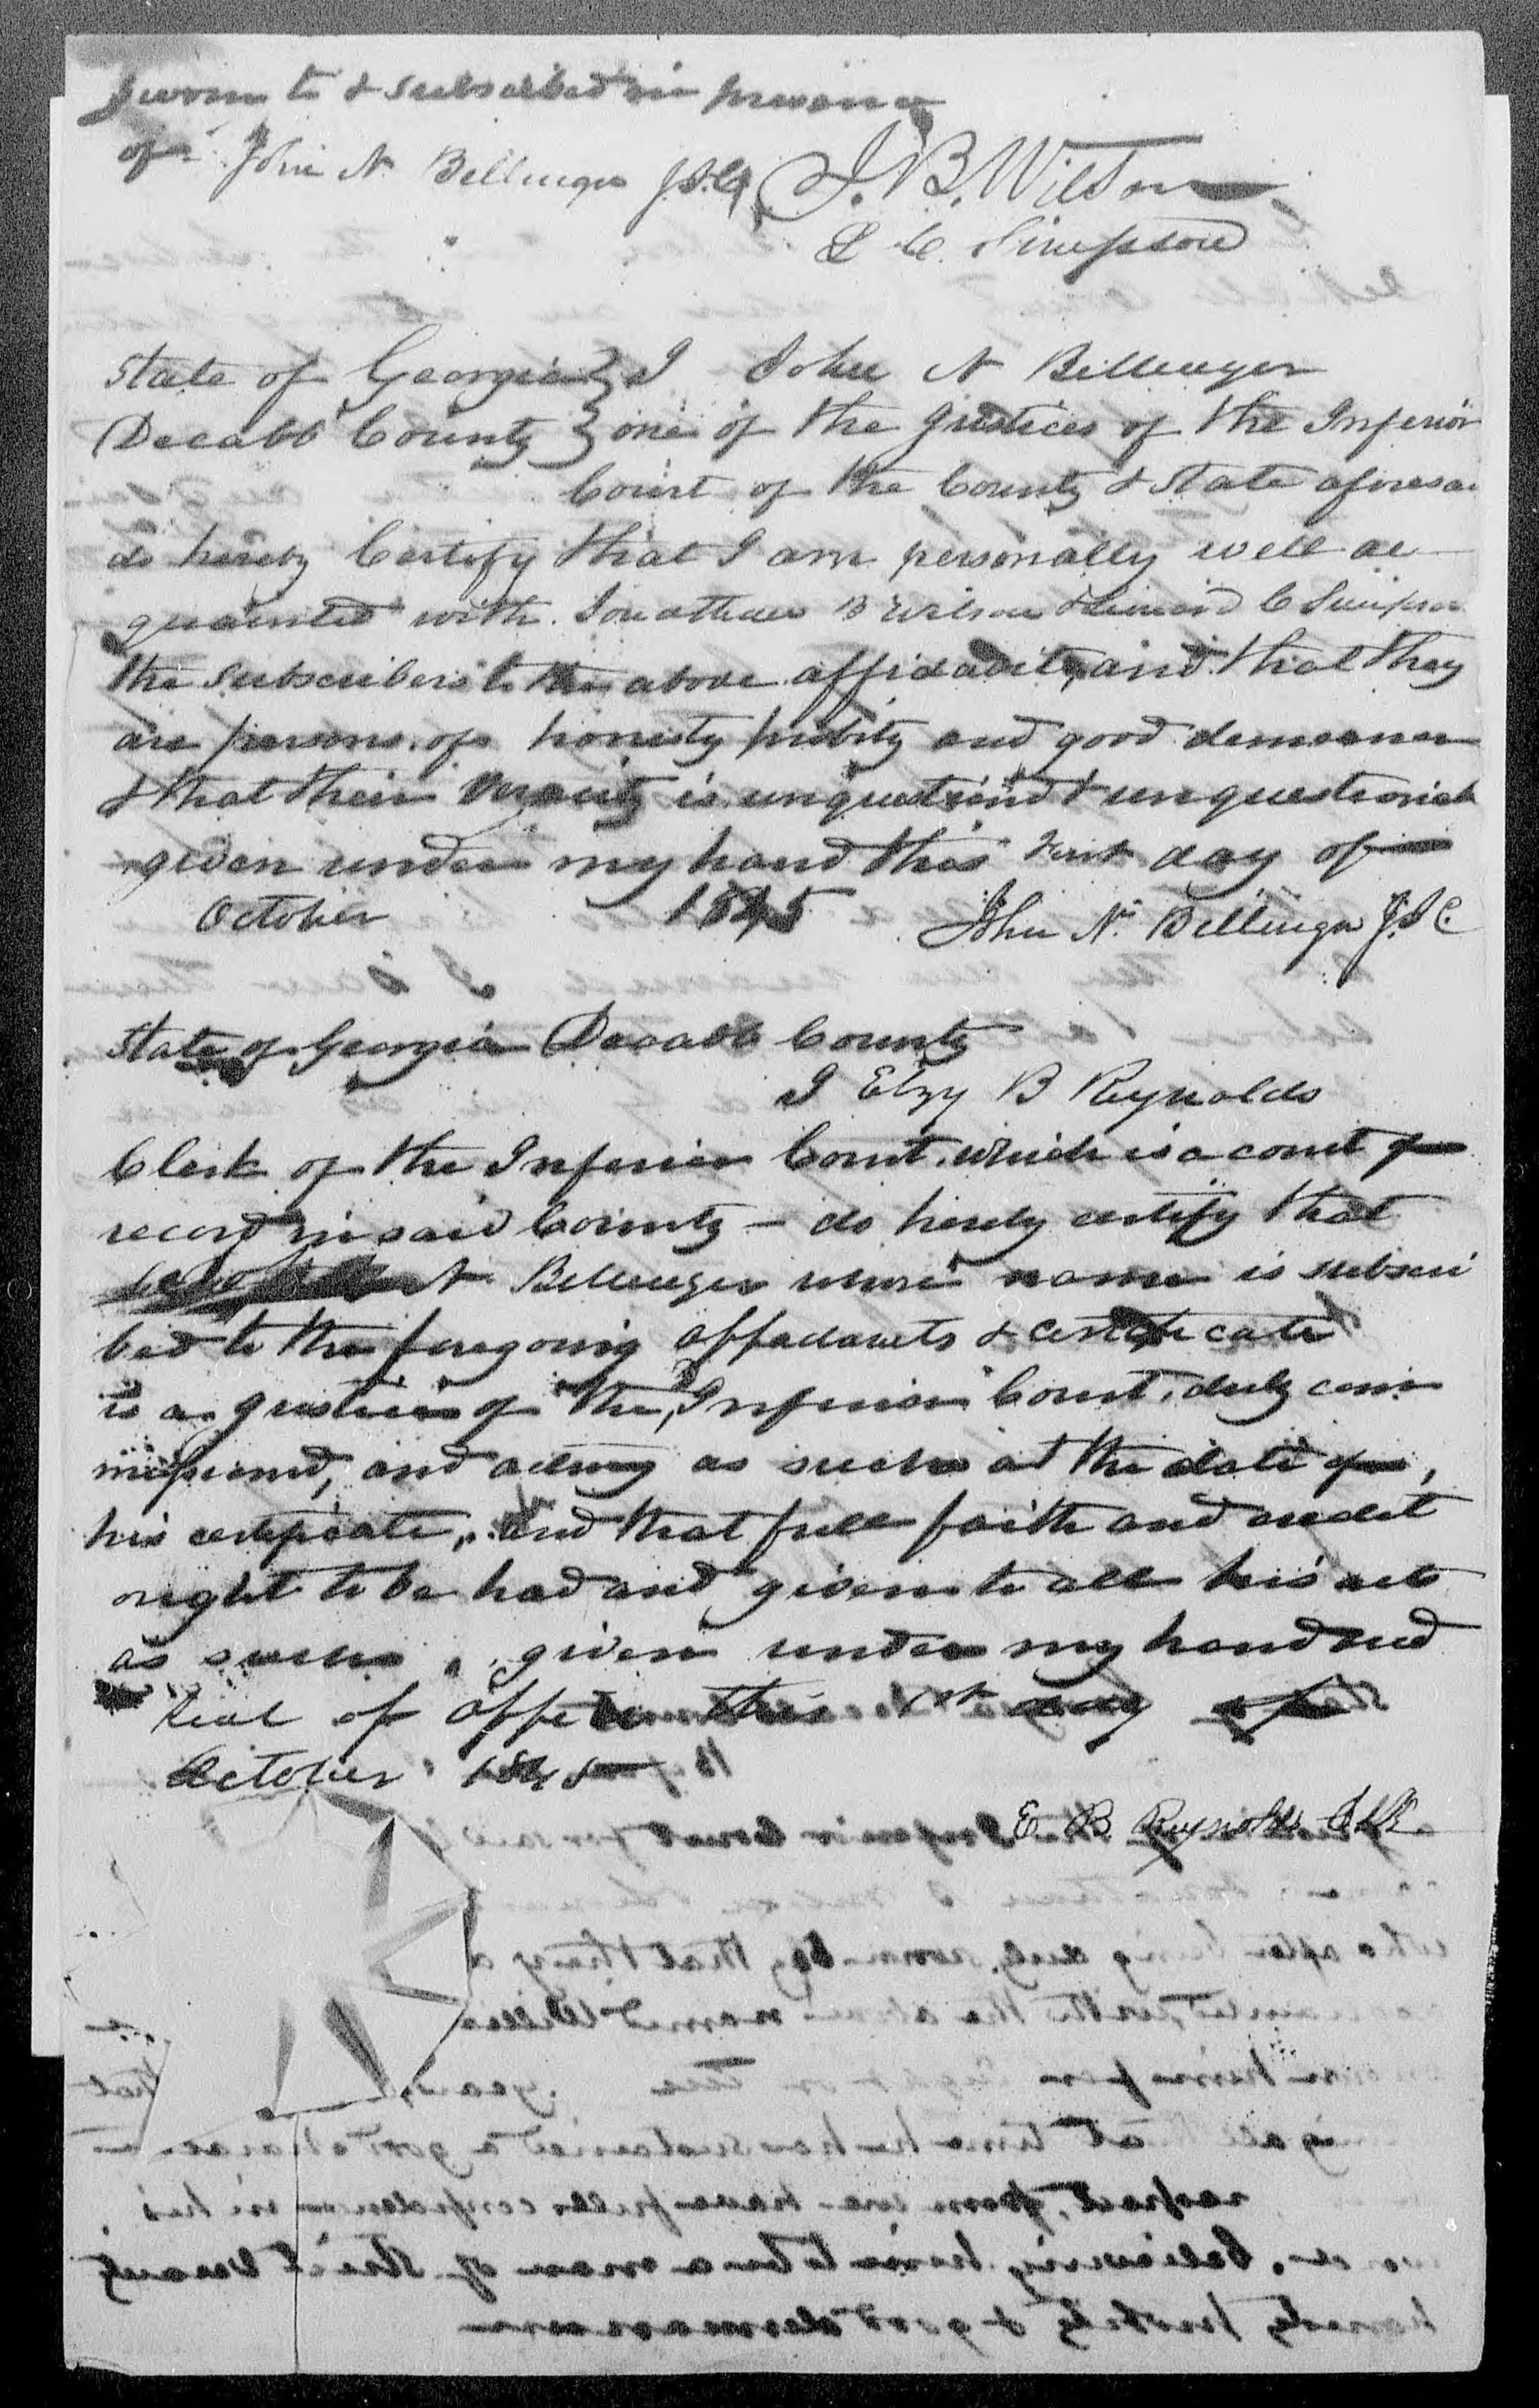Sworn to & subscribed in presence
of John N Bellen J.G. J.T. Wilson
D.C. Simpson

State of Georgia
Decalb County 
I John N Bellinger one of the Justices of the Inferior Court of the County & State aforesaid do hereby certify that I am personally well acquainted with Jonathan B Wilson & Lemard C Simpson the subscribers to the above affidavit and that they are persons of honesty purity and good demeanor, that their verity is unquestioned. Given under my hand this First day of October 1875
John N. Bellinger J.C


State of Georgia Decalb County
Clerk of the Inferior
I, Elzy B Reynolds, clerk of the Inferior 
Court, which is a court record in said County - do hereby certify that
Bellinger whose name is subscribed to the foregoing affidavits & certificate
is a Justice of the Inferior Court duly con
missioned, and acting as such at the date of this certificate, and that full faith and credit ought to be had and given to all his acts as such. Given under my hand and the Seal of Office this October 11th
1875.
                      Elzy B Reynolds, Clerk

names: John N Bellinger, J B Wilson, E B Reynolds, John N Bellinger, John N Bellinger, Elzy B Reynolds, John N Bellinger, L C Simpson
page: 49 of 73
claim: widow's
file: W. 5,894, John Cash, Va.